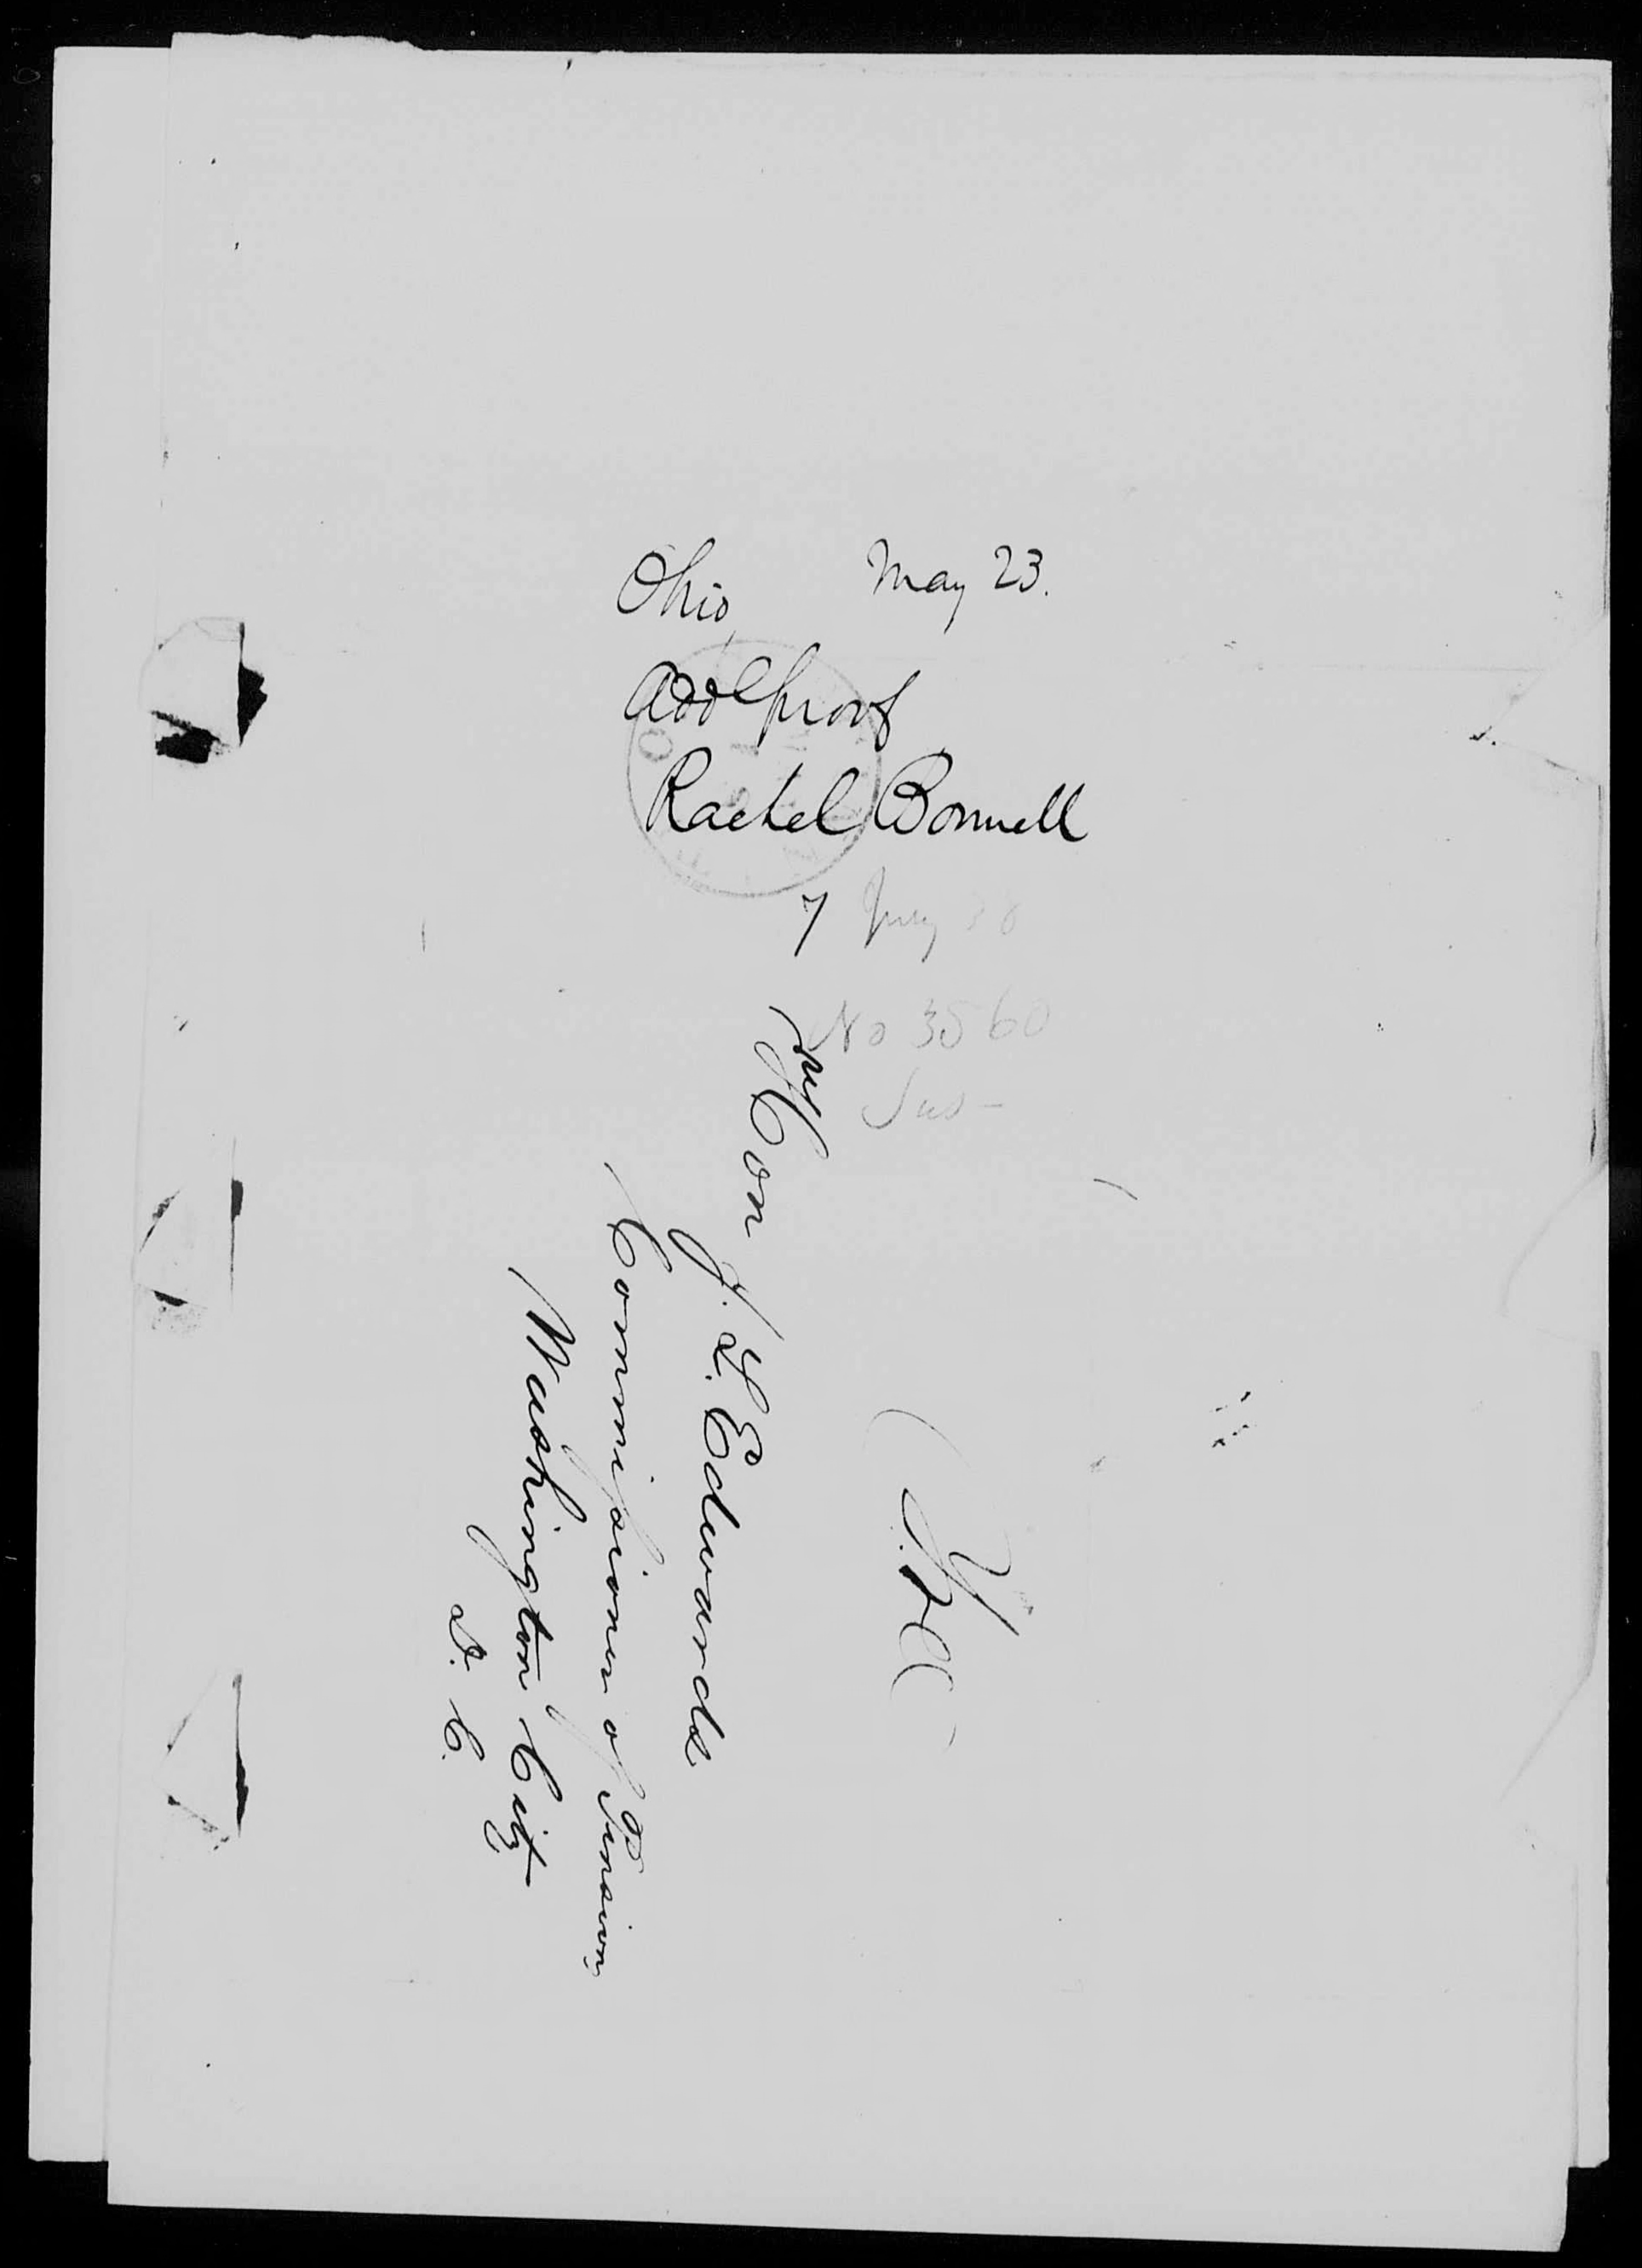Ohio
May 23
Addl proof
Rachel Bonnell
7 July 38
NO 3060
Sus-

Hon J L Edwards
Commissioner of Pensions
Washington City D.C.

Free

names: J L Edwards, Rachel Bonnell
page: 49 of 67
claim: rejected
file: R. 1009, Aaron Bonnel, New Jersey